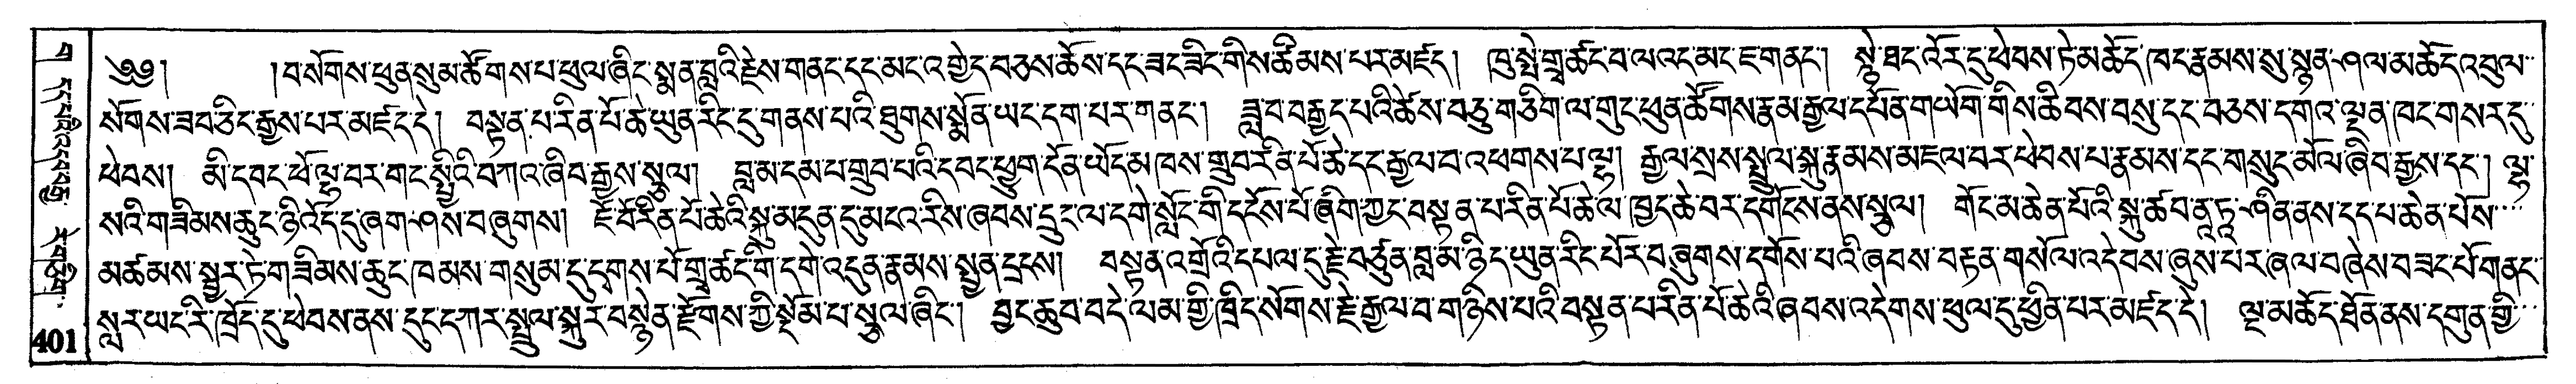༄༅། །བ་སོགས་ཕུན་སུམ་ཚོགས་པ་ཕུལ་ཞིང་སྨན་བླའི་རྗེས་གནང་དང་མང་འགྱེད་བཅས་ཆོས་དང་ཟང་ཟིང་གིས་ཚིམས་པར་མཛད། ཁུ་སྤེ་གྲྭ་ཚང་བ་ལའང་མང་ཇ་གནང་། སྙེ་ཐང་འོར་དུ་ཕེབས་ཏེ་མཆོད་ཁང་རྣམས་སུ་སྙན་ཤལ་མཆོད་འབུལ་
སོགས་ཟབ་ཅིང་རྒྱས་པར་མཛད་དེ། བསྟན་པ་རིན་པོ་ཆེ་ཡུན་རིང་དུ་གནས་པའི་ཐུགས་སྨོན་ཡང་དག་པར་གནང་། ཟླ་བ་བརྒྱད་པའི་ཚེས་བཅུ་གཅིག་ལ་གུང་ཕུན་ཚོགས་རྣམ་རྒྱལ་དཔོན་གཡོག་གིས་ཆིབས་བསུ་དང་བཅས་དགའ་ལྡན་ཁང་གསར་དུ་
ཕེབས། མི་དབང་ཕོ་ལྷ་བར་གང་སྤྱིའི་བཀའ་ཞིབ་རྒྱས་སྩལ། བླ་མ་དམ་པ་གྲུབ་པའི་དབང་ཕྱུག་དོན་ཡོད་མཁས་གྲུབ་རིན་པོ་ཆེ་དང་རྒྱལ་བ་འཕགས་པ་ལྷ། རྒྱལ་སྲས་སྤྲུལ་སྐུ་རྣམས་མཇལ་བར་ཕེབས་པ་རྣམས་དང་གསུང་མོལ་ཞིབ་རྒྱས་དང་། ལྷ་
སའི་གཟིམས་ཆུང་ཉི་འོད་དུ་ཞག་ཤས་བཞུགས། ཇོ་བོ་རིན་པོ་ཆེའི་སྐུ་མདུན་དུ་མངའ་རིས་ཞབས་དྲུང་ལ་དགེ་སློང་གི་དངོས་པོ་ཞིག་ཀྱང་བསྟན་པ་རིན་པོ་ཆེ་ལ་ཁྱད་ཆེ་བར་དགོངས་ནས་སྩལ། གོང་མ་ཆེན་པོའི་སྐུ་ཚ་བ་ནཱ་ཏཱ་ཤིན་ནས་དད་པ་ཆེན་པོས་
མཚམས་སྦྱར་ཏེ་གཟིགས་ཆུང་ཁམས་གསུམ་དུ་དྭགས་པོ་གྲྭ་ཚང་གི་དགེ་འདུན་རྣམས་སྤྱན་དྲངས། བསྟན་འགྲོའི་དཔལ་དུ་རྗེ་བཙུན་བླ་མ་ཉིད་ཡུན་རིང་པོར་བཞུགས་དགོས་པའི་ཞབས་བརྟན་གསོལ་འདེབས་ཞུས་པར་ཞལ་བཞེས་བཟང་པོ་གནང་
སླར་ཡང་རི་ཁྲོད་དུ་ཕེབས་ནས་དུང་དཀར་སྤྲུལ་སྐུར་བསྙེན་རྫོགས་ཀྱི་སྡོམ་པ་སྩལ་ཞིང་། བྱང་ཆུབ་བདེ་ལམ་གྱི་ཁྲིད་སོགས་རྗེ་རྒྱལ་བ་གཉིས་པའི་བསྟན་པ་རིན་པོ་ཆེའི་ཞབས་འདེགས་ཕུལ་དུ་ཕྱིན་པར་མཛད་དེ། ལྔ་མཆོད་ཐོན་ནས་དགུན་གྱི་